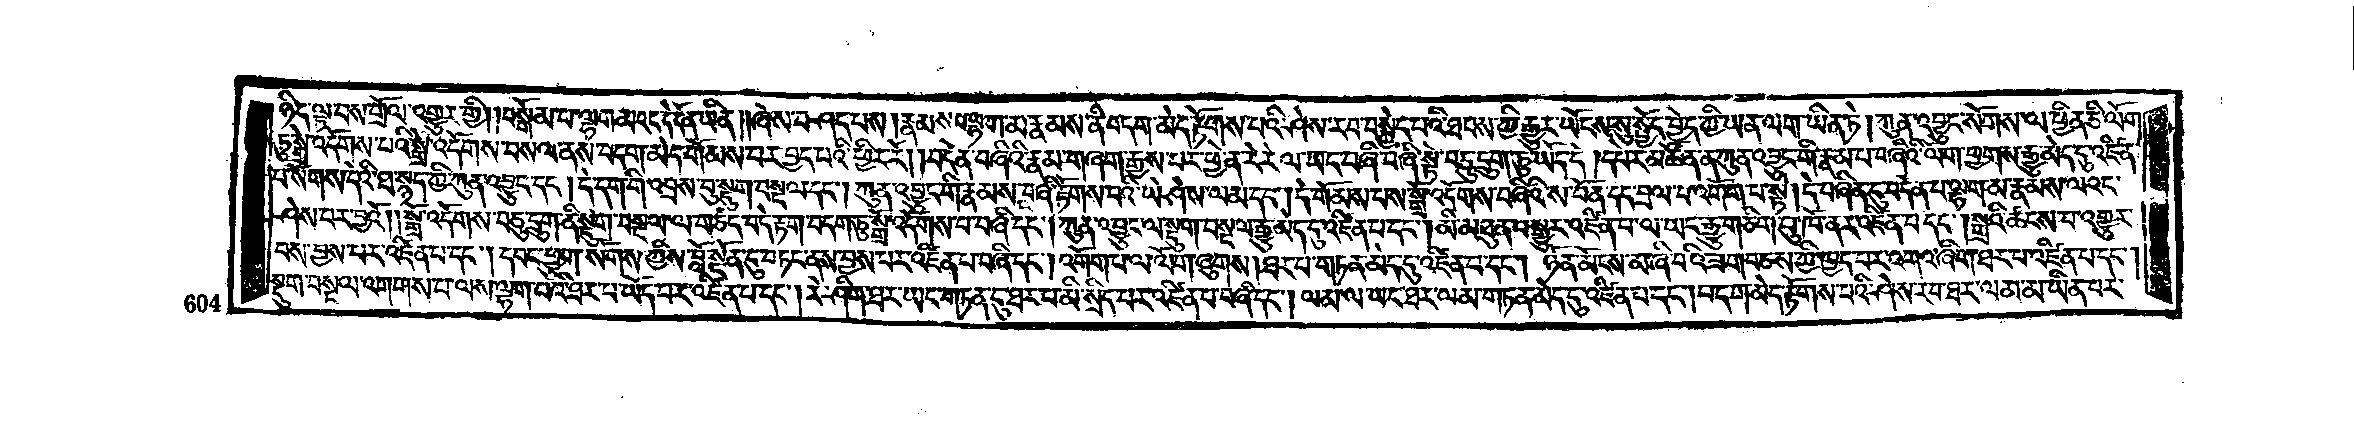ཉིད་ལྟ་བས་གྲོལ་འགྱུར་གྱི། །བསྒོམ་པ་ལྷག་མའང་དེ་དོན་ཡིན། །ཞེས་བཤད་པས། རྣམས་བ་ལྷག་མ་རྣམས་ནི་བདག་མེད་རྟོགས་པའི་ཤེས་རབ་སྐྱེད་པའི་ཐབས་ཀྱི་གྱུར་ཡོངས་སུ་སྤྱོད་བྱེད་ཀྱི་ཡན་ལག་ཡིན་ཏེ། ཀུན་འབྱུང་སོགས་ལ་ཕྱིན་ཅི་ལོག་
ཏུ་སྒྲོ་འདོགས་པའི་སྒྲོ་འདོགས་བསལ་ནས་བདག་མེད་གོམས་པར་བྱེད་པའི་ཕྱིར་རོ། །བདེན་བཞིའི་རྣམ་གཞག་རྒྱས་པར་ཕྱེ་ན་རེ་རེ་ལ་ཡང་བཞི་བཞི་སྟེ་བཅུ་དྲུག་ཏུ་ཡོད་དེ། དཔེར་མཚོན་ན་ཀུན་འབྱུང་གི་རྣམ་པ་བཞིའི་ལོག་ཕྱོགས་རྒྱུ་མེད་དུ་འཛིན་
པ་སོགས་དེའི་ཐ་སྙད་ཀྱི་ཀུན་འབྱུང་དང་། དེ་དག་གི་འབྲས་བུ་སྡུག་བསྔལ་དང་། ཀུན་འབྱུང་གི་རྣམས་པ་བཞི་རྟོགས་པའི་ཡེ་ཤེས་ལམ་དང་། དེ་གོམས་པས་སྒྲོ་འདོགས་བཞིའི་ས་བོན་དང་བྲལ་བ་འགོག་པ་སྟེ། དེ་བཞིན་དུ་བདེན་པ་ལྷག་མ་རྣམས་ལའང་
ཤེས་པར་བྱའོ། །སྒྲོ་འདོགས་བཅུ་དྲུག་ནི་སྡུག་བསྔལ་ལ་གཙོང་བདེ་རྟག་བདག་ཏུ་སྒྲོ་འདོགས་པ་བཞི་དང་། ཀུན་འབྱུང་ལ་སྡུག་བསྔལ་རྒྱུ་མེད་དུ་འཛིན་པ་དང་། མི་མཐུན་པ་སྒྱུར་འཛིན་པ་ལ་ཡང་རྒྱུ་གཅིག་པུ་ཁོ་ནར་འཛིན་པ་དང་། སྒྲའི་ཚངས་པ་འགྱུར་
བས་བྱས་པར་འཛིན་པ་དང་། དབང་ཕུག་སོགས་ཀྱིས་བློ་སྔོན་དུ་བཏང་ནས་བྱས་པར་འཛིན་པ་བཞི་དང་། འགོག་པ་ལ་ལོག་ཞུགས། ཐར་པ་གཏན་མེད་དུ་འཛིན་པ་དང་། ཉོན་མོངས་མ་ཞི་བའི་ཟག་བཅས་ཀྱི་ཁྱད་པར་འགའ་ཞིག་ཐར་པ་འཛིན་པ་དང་།
སྡུག་བསྔལ་འགགས་པ་ལས་ལྟག་པའི་ཐར་པ་ཡོད་པར་འཛིན་པ་དང་། རེ་ཤིག་ཐར་ཡང་གཏན་དུ་ཐར་པ་མི་སྲིད་པར་འཛིན་པ་བཞི་དང་། ལམ་ལ་ཡང་ཐར་ལམ་གཏན་མེད་དུ་འཛིན་པ་དང་། བདག་མེད་རྟོགས་པའི་ཤེས་རབ་ཐར་ལམ་མ་ཡིན་པར་